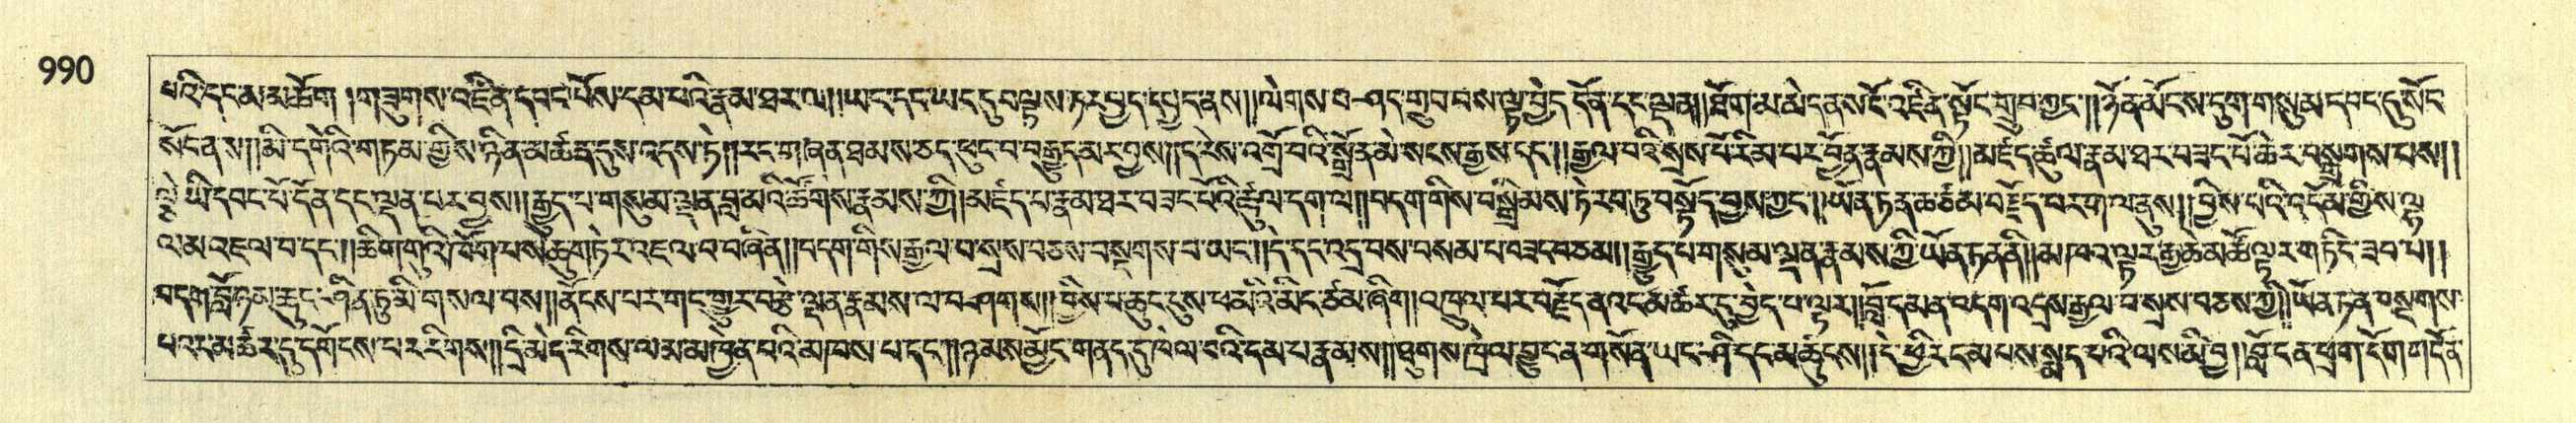པའི་དང་མ་མཆོག །གཟུགས་འཛིན་དབང་པོས་དམ་པའི་རྣམ་ཐར་ལ། །ཡང་དང་ཡང་དུ་བལྟས་ཏར་བྱད་དཔྱད་ནས། །ལེགས་བཤད་གྲུབ་བས་ལྟ་བྱེད་དོན་དང་ལྡན། ཐོག་མ་མེད་ནས་ངོ་འཛིན་སྟོང་གྲུབ་ཀྱང་། །ཉོན་མོངས་དུག་གསུམ་དབང་དུ་སོང་
སོང་ནས། །མི་དགེའི་གཏམ་གྱིས་ཉིན་མཚན་དུས་འདས་ཏེ། །རང་གཞན་ཐམས་ཅད་ཕུང་བ་བརྒྱུད་མར་བྱས། །ད་རེས་འགྲོ་བའི་སྒྲོན་མེ་སངས་རྒྱས་དང་། །རྒྱལ་བའི་སྲས་པོ་རིམ་པར་བྱོན་རྣམས་ཀྱི། །མཛད་ཚུལ་རྣམ་ཐར་བཟང་པོ་ཆེར་བསྒྲགས་པས། །
ལྕེ་ཡི་དབང་པོ་དོན་དང་ལྡན་པར་བྱས། །རྒྱུད་པ་གསུམ་ལྡན་བླ་མའི་ཚོགས་རྣམས་ཀྱི། །མཛད་པ་རྣམ་ཐར་བཟང་པོའི་ཚུལ་དག་ལ། །བདག་གིས་བསྒྲིམས་ཏེ་རབ་ཏུ་བསྟོད་བྱས་ཀྱང་། །ཡོན་ཏན་ཆ་ཙམ་བརྗོད་བར་གལ་ནུས། །བྱིས་པའི་འདོམ་གྱིས་ལྷ་
ལམ་འཇལ་བ་དང་། །ཆིག་གུའི་ཁོག་པས་ཆུ་གཏེར་འཇལ་བ་བཞིན། །བདག་གིས་རྒྱལ་བ་སྲས་བཅས་བསྔགས་བ་ཡང་། །དེ་དང་འདྲ་བས་བསམ་པ་བཟང་བཅམ། །རྒྱུད་པ་གསུམ་ལྡན་རྣམས་ཀྱི་ཡོན་ཏན་ནི། །མཁའ་ལྟར་རྒྱ་ཆེ་མཚོ་ལྟར་གཏིང་ཟབ་པ།།
བདག་བློ་ཉམ་ཆུང་ཤིན་ཏུ་མི་གསལ་བས། །ནོངས་པར་གང་གྱུར་བརྩེ་ལྡན་རྣམས་ལ་བཤགས། །བྱིས་པ་ཆུང་དུས་ཕ་མའི་མིང་ཙམ་ཞིག། འཁྲུལ་པར་བརྗོད་ནའང་མཚར་དུ་བྱེད་པ་ལྟར། །བློ་དམན་བདག་འདྲས་རྒྱལ་བ་སྲས་བཅས་ཀྱི། །ཡོན་ཏན་བསྔགས།
པའང་མཚར་དུ་དགོངས་པར་རིགས། །དྲི་མེད་རིགས་ལམ་མཁྱེན་པའི་མཁས་པ་དང་། །ཉམས་མྱོང་གནད་དུ་ཁེལ་བའི་དམ་པ་རྣམས། །ཐུགས་ཁྲེལ་བྱུང་ན་གསོན་ཡང་ཤི་དང་མཚུངས། །དེ་ཕྱིར་དམ་པས་སྨད་པའི་ལས་མི་བྱ། །བློ་ངན་ཕྲག་དོག་གདོན་